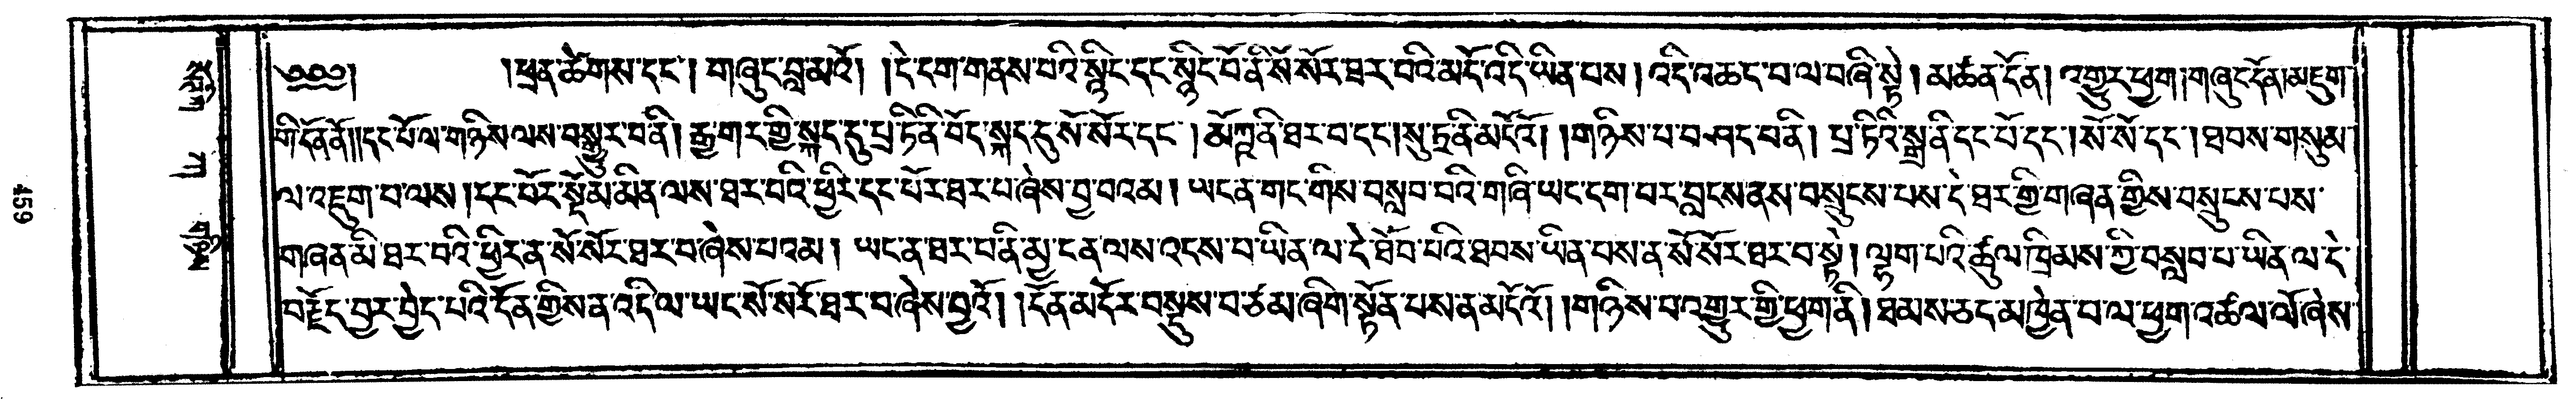༄༅༅། །ཕྲན་ཚེགས་དང་། གཞུང་བླ་མའོ། །དེ་དག་གནས་པའི་སྙིང་དང་སྙིང་པོ་ནི་སོ་སོར་ཐར་པའི་མདོ་འདི་ཡིན་པས། འདི་འཆང་བ་ལ་བཞི་སྟེ། མཚན་དོན། འགྱུར་ཕྱག། གཞུང་དོན། མཇུག་
གི་དོན་ནོ། །དང་པོ་ལ་གཉིས་ལས་བསྒྱུར་བ་ནི། རྒྱ་གར་གྱི་སྐད་དུ་པྲ་ཏི་ནི་བོད་སྐད་དུ་སོ་སོར་དང་། མོཀྵ་ནི་ཐར་བ་དང་། སུ་ཏྲ་ནི་མདོའོ། །གཉིས་པ་བཤད་པ་ནི། པྲ་ཏིའི་སྒྲ་ནི་དང་པོ་དང་། སོ་སོ་དང་། ཐབས་གསུམ་
ལ་འཇུག་པ་ལས། དང་པོར་སྡོམ་མིན་ལས་ཐར་པའི་ཕྱིར་དང་པོར་ཐར་པ་ཞེས་བྱ་བའམ། ཡང་ན་གང་གིས་བསླབ་པའི་གཞི་ཡང་དག་པར་བླངས་ནས་བསྲུངས་པས་དེ་ཐར་གྱི་གཞན་གྱིས་བསྲུངས་པས་
གཞན་མི་ཐར་བའི་ཕྱིར་ན་སོ་སོར་ཐར་བ་ཞེས་པའམ། ཡང་ན་ཐར་པ་ནི་མྱ་ངན་ལས་འདས་པ་ཡིན་ལ་དེ་ཐོབ་པའི་ཐབས་ཡིན་པས་ན་སོ་སོར་ཐར་པ་སྟེ། ལྷག་པའི་ཚུལ་ཁྲིམས་ཀྱི་བསླབ་པ་ཡིན་ལ་དེ་
བརྗོད་བྱར་བྱེད་པའི་དོན་གྱིས་ན་འདི་ལ་ཡང་སོ་སོར་ཐར་པ་ཞེས་བྱའོ། །དོན་མདོར་བསྡུས་བ་ཙམ་ཞིག་སྟོན་པས་ན་མདོའོ། །གཉིས་བ་འགྱུར་གྱི་ཕྱག་ནི། ཐམས་ཅད་མཁྱེན་པ་ལ་ཕྱག་འཚལ་ལོ་ཞེས་